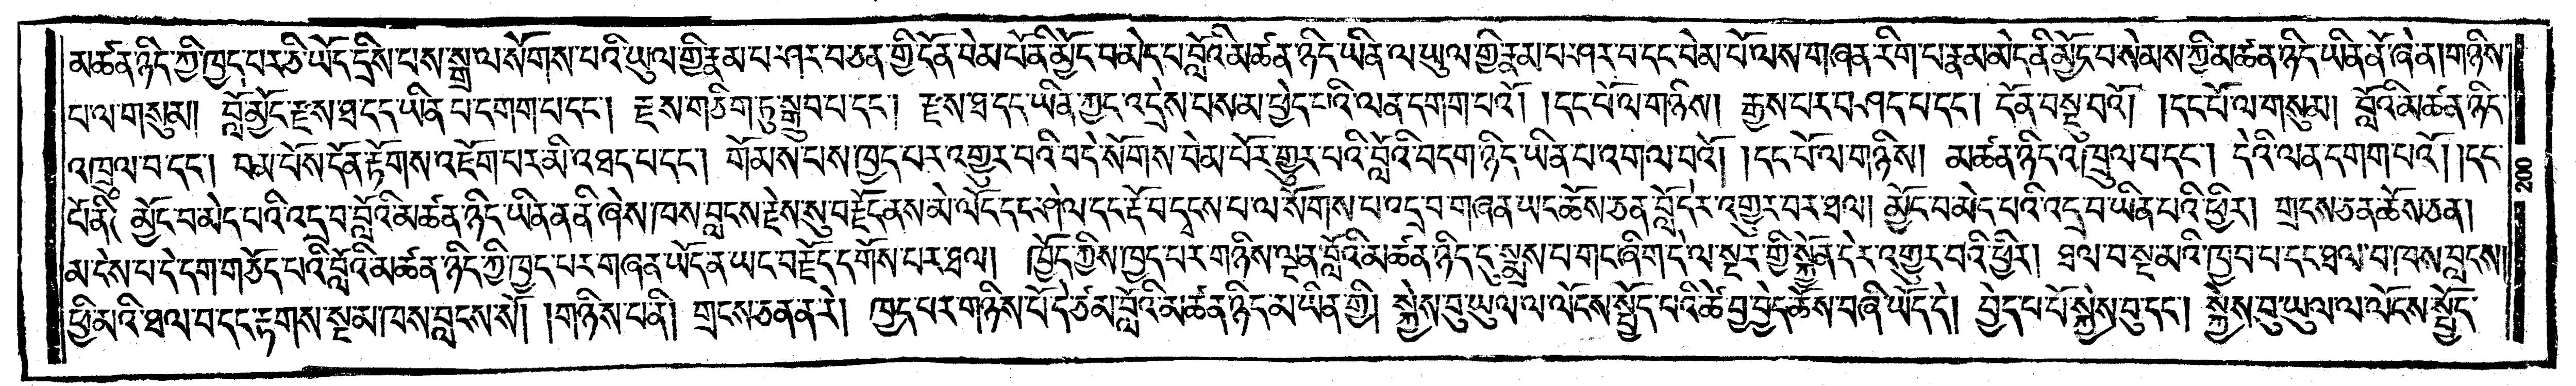མཚན་ཉིད་ཀྱི་ཁྱད་པར་ཅི་ཡོད་དྲིས་པས་སྒྲ་ལ་སོགས་པའི་ཡུལ་གྱི་རྣམ་པ་ཤར་བ་ཅན་གྱི་དོན་བེམ་པོ་ནི་མྱོང་བ་མེད་པ་བློའི་མཚན་ཉིད་ཡིན་ལ་ཡུལ་གྱི་རྣམ་པ་ཤར་བ་དང་བེམ་པོ་ལས་གཞན་རིག་པ་རྣམ་མེད་ནི་མྱོང་བ་སེམས་ཀྱི་མཚན་ཉིད་ཡིན་ནོ་ཞེ་ན། གཉིས་
པ་ལ་གསུམ། བློ་མྱོང་རྫས་ཐ་དད་ཡིན་པ་དགག་པ་དང་། རྫས་གཅིག་ཏུ་སྒྲུབ་པ་དང་། རྫས་ཐ་དད་ཡིན་ཀྱང་འདྲེས་པས་མ་ཕྱེད་པའི་ལན་དགག་པའོ། །དང་པོ་ལ་གཉིས། རྒྱས་པར་བཤད་པ་དང་། དོན་བསྡུ་བའོ། །དང་པོ་ལ་གསུམ། བློའི་མཚན་ཉིད་
འཁྲུལ་བ་དང་། བམ་པོས་དོན་རྟོགས་འཇོག་པར་མི་འཐད་པ་དང་། གོམས་པས་ཁྱད་པར་འགྱུར་བའི་བདེ་སོགས་བེམ་པོར་གྱུར་པའི་བློའི་བདག་ཉིད་ཡིན་པ་འགལ་བའོ། །དང་པོ་ལ་གཉིས། མཚན་ཉིད་འཁྲུལ་བ་དང་། དེའི་ལན་དགག་པའོ། །དང་
པོ་ནི། མྱོང་བ་མེད་པའི་འདྲ་བ་བློའི་མཚན་ཉིད་ཡིན་ན་ནི་ཞེས་ཁས་བླངས་རྗེས་སུ་བརྗོད་ནས་མེ་ལོང་དང་ཤེལ་དང་རྡོ་བ་དྭངས་པ་ལ་སོགས་པ་འདྲ་བ་གཞན་ཡང་ཆོས་ཅན་བློ་དེར་འགྱུར་བར་ཐལ། མྱོང་བ་མེད་པའི་འདྲ་བ་ཡིན་པའི་ཕྱིར། གྲངས་ཅན་ཆོས་ཅན།
མ་ངེས་པ་དེ་དག་གཅོད་པའི་བློའི་མཚན་ཉིད་ཀྱི་ཁྱད་པར་གཞན་ཡོད་ན་ཡང་བརྗོད་དགོས་པར་ཐལ། ཁྱོད་ཀྱིས་ཁྱད་པར་གཉིས་ལྡན་བློའི་མཚན་ཉིད་དུ་སྨྲས་པ་གང་ཞིག་དེ་ལ་སྔར་གྱི་སྐྱོན་དེར་འགྱུར་བའི་ཕྱིར། ཐལ་བ་སྔ་མའི་ཁྱབ་པ་དང་ཐལ་བ་ཁས་བླངས་
ཕྱི་མའི་ཐལ་བ་དང་རྟགས་སྔ་མ་ཁས་བླངས་སོ། །གཉིས་པ་ནི། གྲངས་ཅན་ན་རེ། ཁྱད་པར་གཉིས་པོ་དེ་ཙམ་བློའི་མཚན་ཉིད་མ་ཡིན་གྱི། སྐྱེས་བུ་ཡུལ་ལ་ལོངས་སྤྱོད་པའི་ཚེ་བྱ་བྱེད་ཆོས་བཞི་ཡོད་དེ། བྱེད་པ་པོ་སྐྱེས་བུ་དང་། སྐྱེས་བུ་ཡུལ་ལ་ལོངས་སྤྱོད་